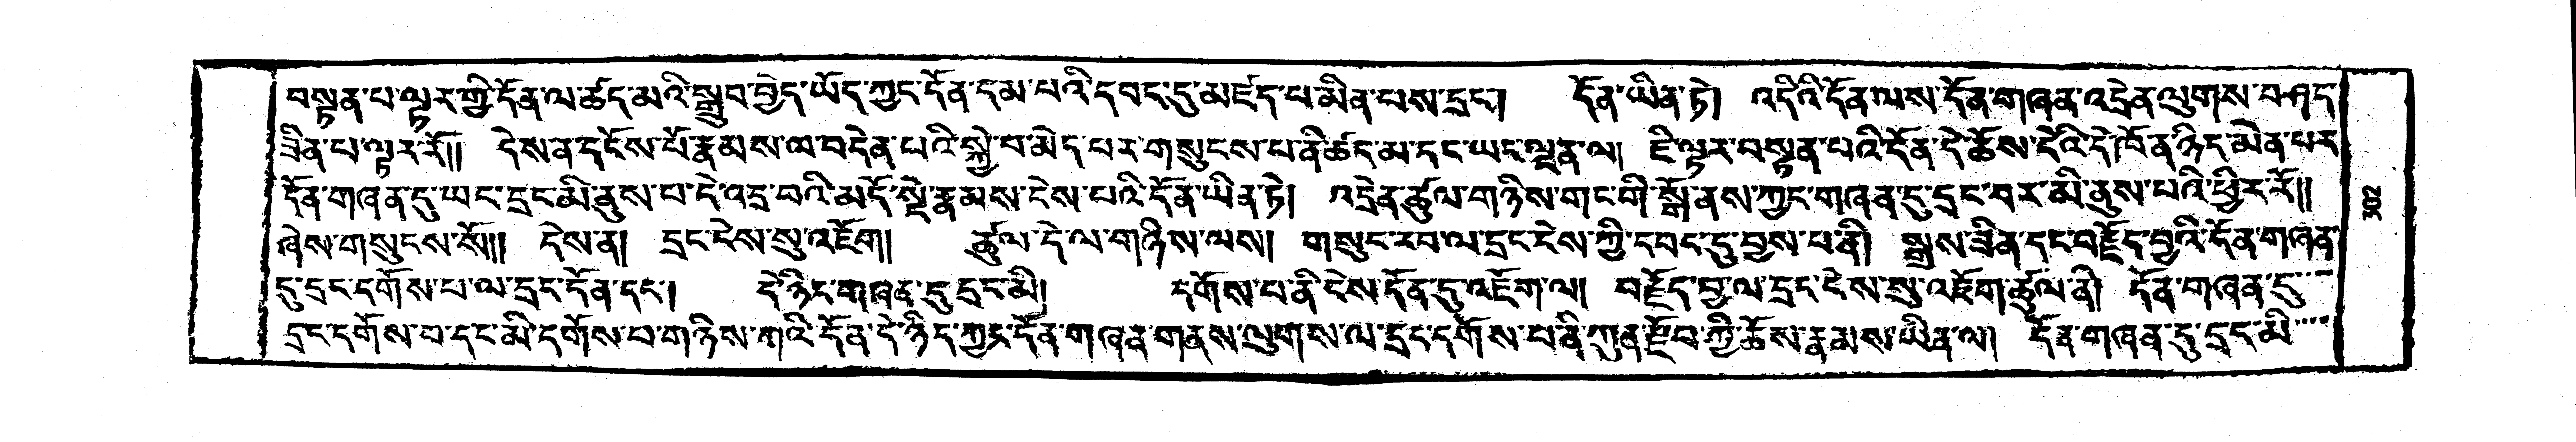བསྟན་པ་ལྟར་གྱི་དོན་ལ་ཚད་མའི་སྒྲུབ་བྱེད་ཡོད་ཀྱང་དོན་དམ་པའི་དབང་དུ་མཛད་པ་མིན་པས་དྲང་། དོན་ཡིན་ཏེ། འདིའི་དོན་ལས་དོན་གཞན་འདྲེན་ལུགས་བཤད་
ཟིན་པ་ལྟར་རོ། །དེས་ན་དངོས་པོ་རྣམས་ལ་བདེན་པའི་སྐྱེ་བ་མེད་པར་གསུངས་པ་ནི་ཚད་མ་དང་ཡང་ལྡན་ལ། ཇི་ལྟར་བསྟན་པའི་དོན་དེ་ཆོས་དེའི་དེ་ཁོ་ན་ཉིད་མེན་པར་
དོན་གཞན་དུ་ཡང་དྲང་མི་ནུས་པ་དེ་འདྲ་བའི་མདོ་སྡེ་རྣམས་ངེས་པའི་དོན་ཡིན་ཏེ། འདྲེན་ཚུལ་གཉིས་གང་གི་སྒོ་ནས་ཀྱང་གཞན་དུ་དྲང་བར་མི་ནུས་པའི་ཕྱིར་རོ། །
ཞེས་གསུངས་སོ། །དེས་ན། དྲང་ངེས་སུ་འཇོག །ཚུལ་དེ་ལ་གཉིས་ལས། གསུང་རབ་ལ་དྲང་ངེས་ཀྱི་དབང་དུ་བྱས་པ་ནི། སྒྲས་ཟིན་དང་བརྗོད་བྱའི་དོན་གཞན་
དུ་དྲང་དགོས་པ་ལ་དྲང་དོན་དང་། དེ་ཉིད་གཞན་དུ་དྲང་མི། དགོས་པ་ནི་ངེས་དོན་དུ་འཇོག་ལ། བརྗོད་བྱ་ལ་དྲང་ངེས་སུ་འཇོག་ཚུལ་ནི། དོན་གཞན་དུ་
དྲང་དགོས་པ་དང་མི་དགོས་པ་གཉིས་ཀའི་དོན་དེ་ཉིད་ཀྱང་དོན་གཞན་གནས་ལུགས་ལ་དྲང་དགོས་པ་ནི་ཀུན་རྫོབ་ཀྱི་ཆོས་རྣམས་ཡིན་ལ། དོན་གཞན་དུ་དྲང་མི་